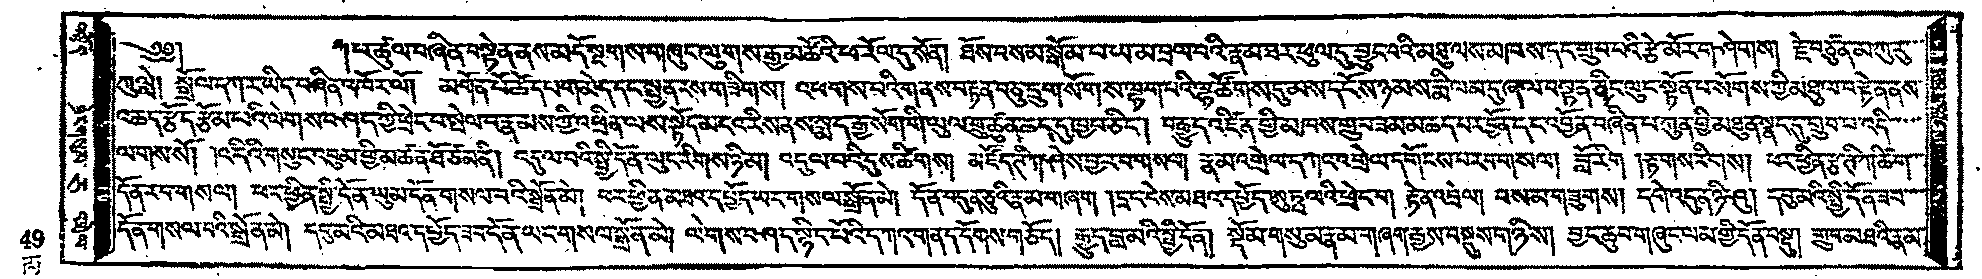༄༅། །པ་ཚུལ་བཞིན་བསྟེན་ནས་མདོ་སྔགས་གཞུང་ལུགས་རྒྱ་མཚོའི་ཕ་རོལ་དུ་སོན། ཐོས་བསམ་སྒོམ་པ་ཡ་མ་བྲལ་བའི་རྣམ་ཐར་ཕུལ་དུ་བྱུང་བའི་མཐུ་ལས་མཁས་དང་གྲུབ་པའི་རྩེ་མོར་གཤེགས། རྗེ་བཙུན་མ་ཀུ་རུ་
ཀུལླེ། སྒྲོལ་དཀར་ཡིད་བཞིན་འཁོར་ལོ། མགོན་པོ་ཚེ་དཔག་མེད་དང་སྤྱན་རས་གཟིགས། འཕགས་པའི་གནས་བརྟན་བཅུ་དྲུག་སོགས་ལྷག་པའི་ལྷ་ཚོགས་དུ་མས་དངོས་ཉམས་རྨི་ལམ་དུ་ཞལ་བསྟན་ཅིང་ལུང་སྟོན་པ་སོགས་ཀྱི་མཐུ་ལ་བརྟེན་ནས་
འཆད་རྩོད་རྩོམ་པའི་ལེགས་བཤད་ཀྱི་ཕྲེང་བ་སྤེལ་བ་རྣམས་ཀྱི་འཕྲིན་ལས་སྟོད་མངའ་རིས་ནས་སྨད་རྒྱ་སོགས་གི་ཡུལ་གྲུ་ཚུན་ཆད་དུ་ཁྱབ་ཅིང་། བརྒྱུད་འཛིན་གྱི་མཁས་གྲུབ་ཟམ་མ་ཆད་པར་བྱོན་དང་འབྱོན་བཞིན་པ་ཀུན་གྱི་མཐུན་སྣང་དུ་གྲུབ་པ་འདི་
ལགས་སོ། །འདིའི་གསུང་འབུམ་གྱི་མཚན་ཐོ་ཙམ་ནི། འདུལ་བའི་སྤྱི་དོན་ལུང་རིགས་ཉི་མ། འདུལ་བའི་དུས་ཚིགས། མཛོད་ཊིཀ་ཤེས་བྱ་རབ་གསལ། རྣམ་འགྲེལ་དཀའ་འགྲེལ་དགོངས་པ་རབ་གསལ། བློ་རིག །རྟགས་རིགས། ཕར་ཕྱིན་རྩ་ཊིཀ་ཚིག་
དོན་རབ་གསལ། ཕར་ཕྱིན་སྤྱི་དོན་ཡུམ་དོན་གསལ་བའི་སྒྲོན་མེ། ཕར་ཕྱིན་མཐའ་དཔྱོད་ཡང་གསལ་སྒྲོན་མེ། དོན་བདུན་ཅུའི་རྣམ་གཞག །དྲང་ངེས་མཐའ་དཔྱོད་ཨུཏྤླའི་ཕྲེང་བ། རྟེན་འབྲེལ། བསམ་གཟུགས། དགེ་འདུན་ཉི་ཤུ། དབུ་མའི་སྤྱི་དོན་ཟབ་
དོན་གསལ་བའི་སྒྲོན་མེ། དབུ་མའི་མཐའ་དཔྱོད་ཟབ་དོན་ཡང་གསལ་སྒྲོན་མེ། ལེགས་བཤད་སྙིང་པོའི་དཀའ་གནད་དོགས་གཅོད། རྒྱུད་བླ་མའི་སྤྱི་དོན། སྡོམ་གསུམ་རྣམ་གཞག་རྒྱས་བསྡུས་གཉིས། བྱང་ཆུབ་གཞུང་ལམ་གྱི་དོན་བསྡུ། གྲུབ་མཐའི་རྣམ་